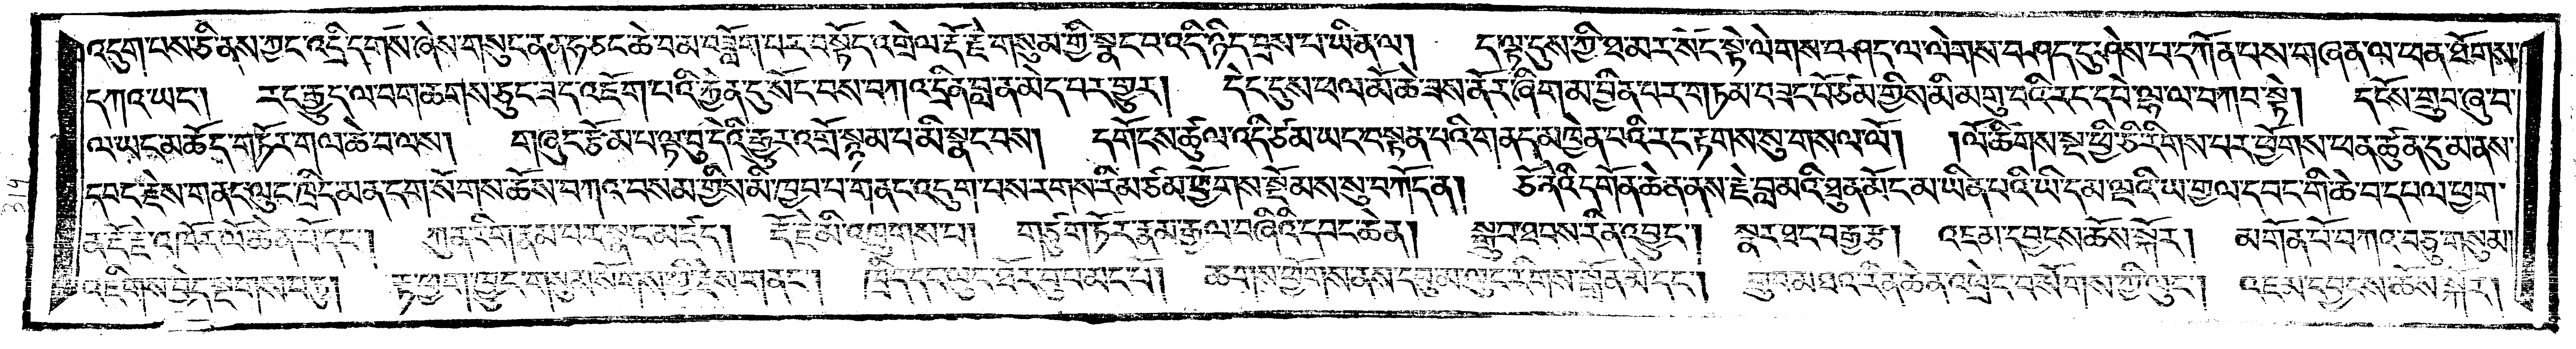འདུག་པས་ཅི་ནས་ཀྱང་འདྲི་དགོས་ཞེས་གསུང་ནན་ཧ་ཅང་ཆེ་བ་མ་བཟློག་པར་བསྟོད་འགྲེལ་རྡོ་རྗེ་གསུམ་གྱི་སྣང་བ་འདི་ཉིད་བྲས་པ་ཡིན་ལ། ད་ལྟ་དུས་ཀྱི་ཐ་མར་སོང་སྟེ་ལེགས་བཤད་ལ་ལེགས་བཤད་དུ་ཤེས་པ་དཀོན་པས་གཞན་ལ་ཕན་ཐོགས། །
དཀའ་ཡང་། རང་རྒྱུད་ལ་བག་ཆགས་ཅུན་ཟད་འཇོག་པའི་རྐྱེན་དུ་སོང་བས་བཀའ་དྲིན་བླ་ན་མེད་པར་གྱུར། དེང་དུས་ཕལ་མོ་ཚེ་ཟས་ནོར་ཞིག་མ་ཕྱིན་པར་གཏམ་བཟང་པོ་ཙམ་གྱིས་མི་མགུ་བའི་རང་དཔེ་ལྷ་ལ་བཀབ་སྟེ། དངོས་གྲུབ་ཞུ་བ་
ལ་ཡང་མཆོད་གཏོར་གལ་ཆེ་བ་ལས། གཞུང་རྩོམ་པ་ལྟ་བུ་དེའི་རྒྱུར་འགྲོ་སྙམ་པ་མི་སྣང་བས། དགོངས་ཚུལ་འདི་ཙམ་ཡང་བསྟན་པའི་གནད་མཁྱེན་པའི་རང་རྟགས་སུ་གསལ་ལོ། །ལོ་ཚིགས་སྔ་ཕྱི་ཅི་རིགས་པར་ཕྱོགས་ཕན་ཚུན་དུ་མ་ནས་
དབང་རྗེས་གནང་ལུང་ཁྲིད་མན་ངག་སོགས་ཆོས་བཀའ་བསམ་གྱིས་མི་ཁྱབ་པ་གནང་འདུག་པས་རགས་རིམ་ཙམ་ཕྱོགས་སྔོམས་སུ་བཀོད་ན། ཅོ་ནའི་དགོན་ཆེན་ནས་རྗེ་བླ་མའི་ཐུན་མོང་མ་ཡིན་པའི་ཡི་དམ་ལྔའི་ཡ་གྱལ་དབང་གི་ཆེ་བ་དཔལ་ཕྱག་
ན་རྡོ་རྗེ་འཁོར་ལོ་ཆེན་པོ་དང་། ཀུན་རིག་རྣམ་པར་སྣང་མཛད། རྡོ་རྗེ་མི་འཁྲུགས་པ། གཙུག་ཏོར་རྣམ་རྒྱལ་བཞིའི་དབང་ཆེན། སྒྲུབ་ཐབས་རིན་འབྱུང་། སྣར་ཐང་བརྒྱ་རྩ། འཇམ་དབྱངས་ཆོས་སྐོར། མགོན་པོ་བཀའ་བཅུ་གསུམ།
འཇིགས་བྱེད་སྔགས་བཏུ། རྟ་ཕྱག་ཁྱུང་གསུམ་སོགས་ཀྱི་རྗེས་གནང་། ཁྲིད་དང་ལུང་ཐོར་བུ་བ་མང་པོ། ཆགས་ཕྱོགས་ནས་དབུ་མ་ལུང་རིགས་སྒྲོན་མེ་དང་། གྲུབ་མཐའ་རིན་ཆེན་འཕྲེང་བ་སོགས་ཀྱི་ལུང་། འཇམ་དབྱངས་ཆོས་སྐོར།